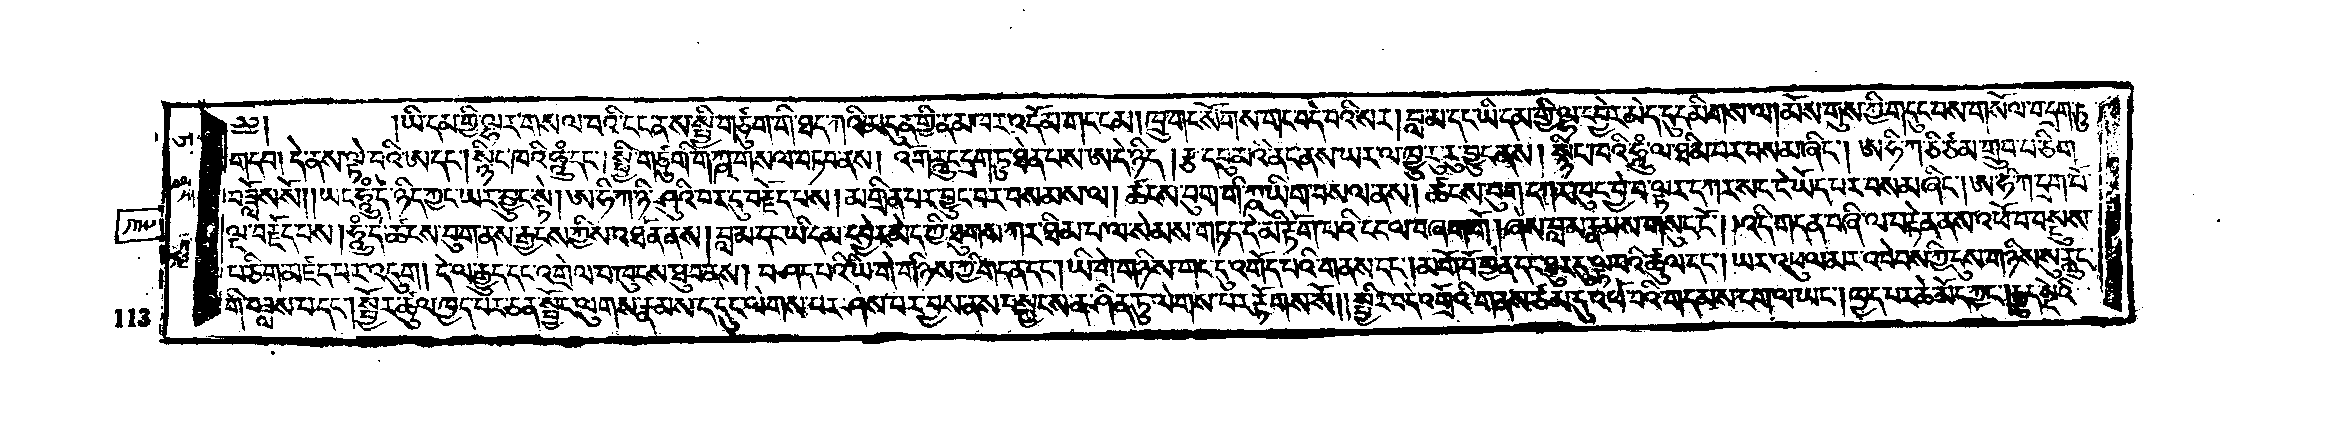༄༅། །ཡི་དམ་གྱི་ལྷར་གསལ་བའི་ངང་ནས་སྤྱི་གཙུག་གི་ཐད་ཀའི་མདུན་གྱི་ནམ་མཁར་འདོམ་གང་ངམ། ཁྲུ་གང་སོགས་གང་བདེ་བའི་སར། བླ་མ་དང་ཡིད་དམ་གྱི་ལྷ་དབྱེར་མེད་དུ་དམིགས་ལ། མོས་གུས་ཀྱི་གདུང་བས་གསོལ་བ་དྲག་ཏུ་
གདབ། དེ་ནས་ལྟེ་བའི་ཨ་དང་། སྙིང་ཁའི་ཧཱུཾ་དང་། སྤྱི་གཙུག་གི་ཀྵ་གསལ་བཏབ་ནས། འོག་རླུང་དྲག་ཏུ་ཐེན་པས་ཨ་དེ་ཉིད། རྩ་དབུ་མའི་ནང་ནས་ཡར་ལ་ཁྱུ་རུ་རུ་བྱུང་ནས། སྙིང་ཁའི་ཧཱུཾ་ལ་ཐིམ་པར་བསམ་ཞིང་། ཨ་ཧི་ཀ་ཅི་ཙམ་གྲུབ་པ་ཅིག་
བཟློས་སོ། །ཡང་ཧཱུཾ་དེ་ཉིད་ཀྱང་ཡར་བྱུང་སྟེ། ཨ་ཧི་ཀ་ཉི་ཤུའི་བར་དུ་བརྗོད་པས། མགྲིན་པར་བྱུང་བར་བསམས་ལ། ཚངས་བུག་གི་ཀྵ་ཡིག་བསལ་ནས། ཚངས་བུག་དཀར་ཁུང་བྱེ་བ་ལྟར་དཀར་སངས་ངེ་ཡོད་པར་བསམ་ཞིང་། ཨ་ཧི་ཀ་དྲག་པོ་
ལྔ་བརྗོད་པས། ཧཱུཾ་དེ་ཚངས་བུག་ནས་རྒྱངས་ཀྱིས་འཐོན་ནས། བླ་མ་དང་ཡི་དམ་དབྱེར་མེད་ཀྱི་ཐུགས་ཀར་ཐིམ་པ་ལ་སེམས་གཏད་དེ་མི་རྟོག་པའི་ངང་ལ་བཞག་གོ། ཞེས་བླ་མ་རྣམས་གསུང་ངོ། །འདི་གདན་བཞི་ལ་བརྟེན་ནས་འཕོ་བ་བསྡུས་
པ་ཅིག་མཛད་པར་འདུག །དེ་ལ་རྒྱུད་དང་འགྲེལ་པ་ཁུངས་ཐུབ་ནས། བཤད་པའི་ཡི་གེ་གཉིས་ཀྱི་གདན་དང་། ཡི་གེ་གཉིས་གང་དུ་འགོད་པའི་གནས་དང་། མགོ་བོ་གྱེན་དང་ཐུར་དུ་ལྟ་བའི་ཚུལ་དང་། ཡར་འཕུལ་མར་འབེབས་ཀྱི་དུས་གཉིས་སུ་རླུང་
གི་བཟླས་པ་དང་། སྦྱོར་ཚུལ་ཁྱད་པར་ཅན་སྦྱོང་ལུགས་རྣམས་ད་དུང་ལེགས་པར་ཤེས་པར་བྱས་ནས་བསྐྱངས་ན་ཤིན་ཏུ་ལེགས་པར་རྟོགས་སོ། །སྤྱིར་བདེ་འགྲོའི་གནས་ཙམ་དུ་འཕོ་བའི་གདམས་ངག་ལ་ཡང་། ཁྱད་པར་ཆེ་མོད་ཀྱང་། རྒྱུད་སྡེའི་